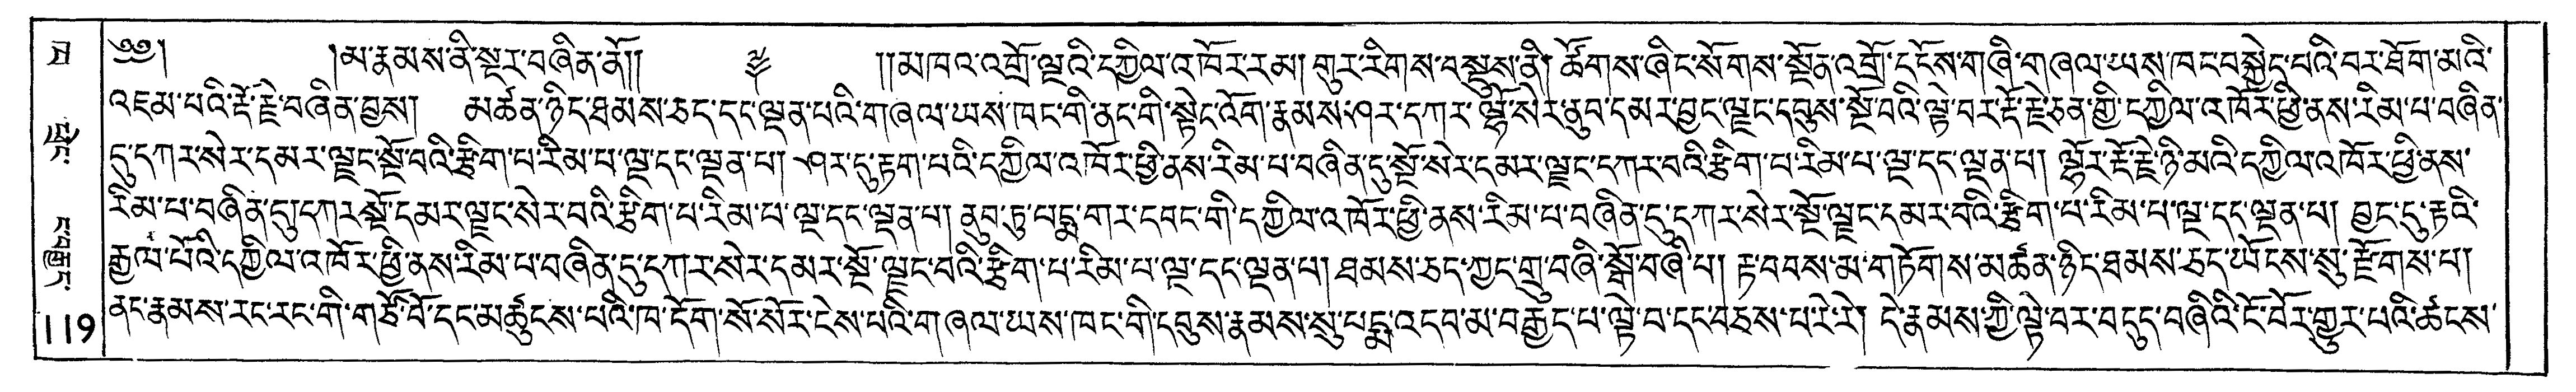༄༅། །མ་རྣམས་ནི་སྔར་བཞིན་ནོ།། ༈ །།མཁའ་འགྲོ་ལྔའི་དཀྱིལ་འཁོར་རམ། གུར་རིགས་བསྡུས་ནི། ཚོགས་ཞིང་སོགས་སྔོན་འགྲོ་དངོས་གཞི་གཞལ་ཡས་ཁང་བསྐྱེད་པའི་བར་ཐོག་མའི་
འཇམ་པའི་རྡོ་རྗེ་བཞིན་བྱས། མཚན་ཉིད་ཐམས་ཅད་དང་ལྡན་པའི་གཞལ་ཡས་ཁང་གི་ནང་གི་སྟེང་འོག་རྣམས་ཤར་དཀར་ལྷོ་སེར་ནུབ་དམར་བྱང་ལྗང་དབུས་སྔོ་བའི་ལྟེ་བར་རྡོ་རྗེ་ཅན་གྱི་དཀྱིལ་འཁོར་ཕྱི་ནས་རིམ་པ་བཞིན་
དུ་དཀར་སེར་དམར་ལྗང་སྔོ་བའི་རྩིག་པ་རིམ་པ་ལྔ་དང་ལྡན་པ། ཤར་དུ་རྟག་པའི་དཀྱིལ་འཁོར་ཕྱི་ནས་རིམ་པ་བཞིན་དུ་སྔོ་སེར་དམར་ལྗང་དཀར་བའི་རྩིག་པ་རིམ་པ་ལྔ་དང་ལྡན་པ། ལྷོར་རྡོ་རྗེ་ཉི་མའི་དཀྱིལ་འཁོར་ཕྱི་ནས་
རིམ་པ་བཞིན་དུ། དཀར་སྔོ་དམར་ལྗང་སེར་བའི་རྩིག་པ་རིམ་པ་ལྔ་དང་ལྡན་པ། ནུབ་ཏུ་པདམ་གར་དབང་གི་དཀྱིལ་འཁོར་ཕྱི་ནས་རིམ་པ་བཞིན་དུ་དཀར་སེར་སྔོ་ལྗང་དམར་བའི་རྩིག་པ་རིམ་པ་ལྔ་དང་ལྡན་པ། བྱང་དུ་རྟའི་
རྒྱལ་པོའི་དཀྱིལ་འཁོར་ཕྱི་ནས་རིམ་པ་བཞིན་དུ་དཀར་སེར་དམར་སྔོ་ལྗང་བའི་རྩིག་པ་རིམ་པ་ལྔ་དང་ལྡན་པ། ཐམས་ཅད་ཀྱང་གྲུ་བཞི་སྒོ་བཞི་པ། རྟ་བབས་མ་གཏོགས་མཚན་ཉིད་ཐམས་ཅད་ཡོངས་སུ་རྫོགས་པ།
ནང་རྣམས་རང་རང་གི་གཙོ་བོ་དང་མཚུངས་པའི་ཁ་དོག་སོ་སོར་ངེས་པའི་གཞལ་ཡས་ཁང་གི་དབུས་རྣམས་སུ་པདམ་འདབ་མ་བརྒྱད་པ་ལྟེ་བ་དང་བཅས་པ་རེ་རེ། དེ་རྣམས་ཀྱི་ལྟེ་བར་བདུད་བཞིའི་ངོ་བོར་གྱུར་པའི་ཚངས་